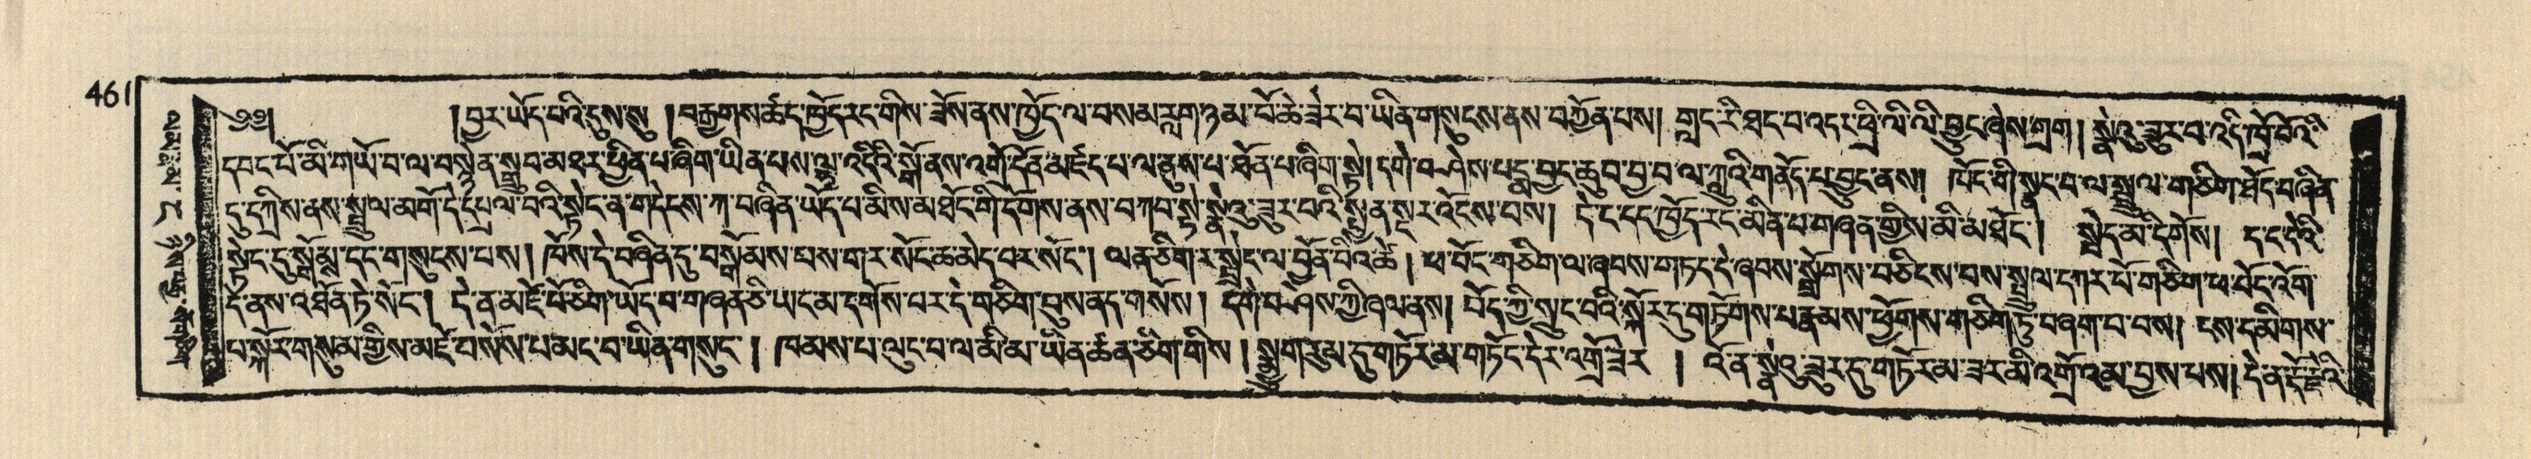༄༅། །བྱར་ཡོད་པའི་དུས་སུ་།བརྒྱགས་ཚད་ཁྱོད་རང་གིས་ཟོས་ནས་ཁྱོད་ལ་བསམ་རླག་ཉམ་པོ་ཆེ་ཟེར་བ་ཡིན་གསུངས་ནས་བཀྱོན་པས། གླང་རི་ཐང་བ་འདར་ཕྲི་ལི་ལི་བྱུང་ཞེས་གྲག། སྣེའུ་ཟུར་བ་འདི་ཁྲོ་བོའི་
དབང་པོ་མི་གཡོ་བ་ལ་བསྙེན་སྒྲུབ་མཐར་ཕྱིན་པ་ཞིག་ཡིན་པས་ལྷ་འདིའི་སྒོ་ནས་འགྲོ་དོན་མཛད་པ་ལ་ནུས་པ་ཐོན་པ་ཞིག་སྟེ། དགེ་བཤེས་པདམ་བྱང་ཆུབ་བྱ་བ་ལ་ཀླུའི་གནོད་པ་བྱུང་ནས། ཁོང་གི་སྣང་བ་ལ་སྤྲུལ་གཅིག་ཐོད་བཞིན་
དུ་དཀྲིས་ནས་སྤྲུལ་མགོ་དེ་དཔྲལ་བའི་སྟེང་ན་གདེངས་ཀ་བཞིན་ཡོད་པ་མིས་མཐོང་གི་དོགས་ནས་བཀབ་སྟེ་སྣེའུ་ཟུར་བའི་སྤྱན་སྔར་འོངས་བས། དེ་ང་དང་ཁྱོད་རང་མིན་པ་གཞན་གྱིས་མི་མཐོང་། སྦེད་མི་དགོས། ད་ང་དེའི་
སྟེང་དུ་སྒོམས་དང་གསུངས་པས། ཁོས་དེ་བཞིན་དུ་བསྒོམས་པས་གར་སོང་ཆ་མེད་བར་སོང་། ལན་ཅིག་ར་སྤྲེང་ལ་བྱོན་པའི་ཚེ། ཕ་བོང་གཅིག་ལ་ཞབས་གཏད་དེ་ཞབས་སྒྲོགས་བཅིངས་བས་སྤྲུལ་དཀར་པོ་གཅིག་ཕ་བོང་འོག་
དེ་ནས་འཐོན་ཏེ་སོང་། དེ་ན་མཛེ་པོ་ཅིག་ཡོད་བ་གཞན་ཅི་ཡང་མ་དགོས་པར་དེ་གཅིག་པུས་ནད་གསོས། དགེ་བཤེས་ཀྱི་ཞལ་ནས། བོད་ཀྱི་སྲུང་བའི་སྐོར་དུ་གཏོགས་པ་རྣམས་ཕྱོགས་གཅིག་ཏུ་བཞག་པ་བས། ངས་དམིགས་
པ་སྐོར་གསུམ་གྱི་མཛེ་བསོས་པ་མང་བ་ཡིན་གསུང་། ཁམས་པ་ལུང་པ་ལ་མི་མ་ཡིན་ཚན་ཅིག་གིས་།སྨྱུག་རུམ་དུ་གཏོར་མ་གཏོང་དེར་འགྲོ་ཟེར། འོ་ན་སྣེའུ་ཟུར་དུ་གཏོར་མ་ཟར་མི་འགྲོ་འམ་བྱས་པས། དེ་ན་རྡོ་རྗེའི་